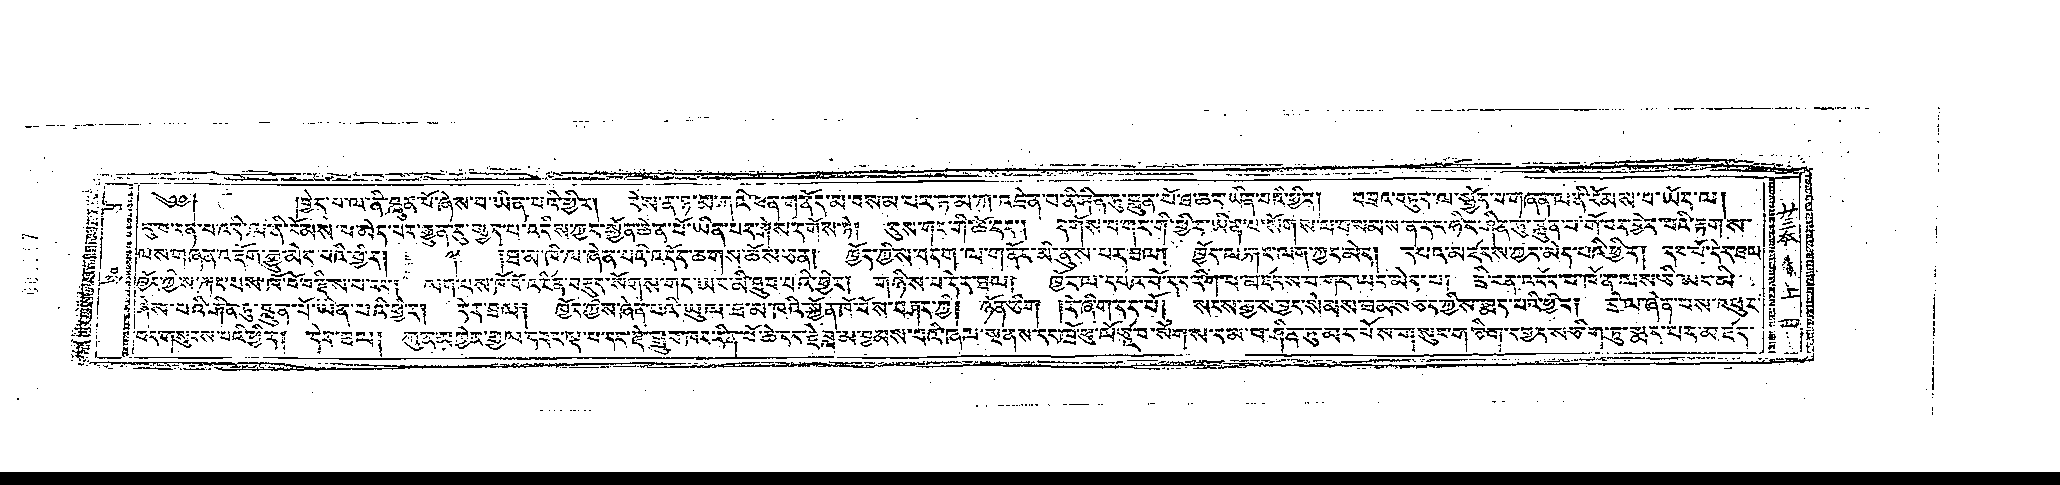༄༅། །བྱེད་པ་ལ་ནི་བླུན་པོ་ཞེས་པ་ཡིན་པའི་ཕྱིར། དེས་ན་ཏ་མ་ཀའི་ཕན་གནོད་མ་བསམ་པར་ཏ་མ་ཀ་འཐེན་པ་ནི་ཤིན་ཏུ་བླུན་པོ་ཐ་ཆད་ཡིན་པའི་ཕྱིར། བཟའ་བཏུང་ལ་སྦྱོད་པ་གཞན་ལ་ནི་དོམས་པ་ཡོད་ལ།
དུ་བ་ངན་པ་འདི་ལ་ནི་དོམས་པ་མེད་པར་རྒྱུན་དུ་སྤྱད་པ་འདིས་ཀྱང་སྐྱོན་ཆེན་པོ་ཡིན་པར་ཤེས་དགོས་ཏེ། དུས་གང་གི་ཚེ་དང་། དགོས་པ་གང་གི་ཕྱིར་ཡིན་པ་སོགས་ལ་བསམས་ན་རང་ཉིད་ཤིན་ཏུ་བླུན་པ་གོ་བར་བྱེད་པའི་རྟགས་
ལས་གཞན་འཇོག་རྒྱུ་མེད་པའི་ཕྱིར། ༈ །ཐ་ས་ཁ་ལ་ཞེན་པའི་འདོད་ཆགས་ཆོས་ཅན། ཁྱོད་གྱིས་བདག་ལ་གནོར་མི་ནུས་པར་ཐལ། ཁྱོད་ལ་རྐང་ལག་ཀྱང་མེད། དཔའ་མཛངས་ཀྱང་མེད་པའི་ཕྱིར། དང་པོ་དེར་ཐལ་
ཁྱོད་ཀྱིས་རྐང་པས་ཁྲོ་བོ་བརྫིས་པ་དང་། ལག་བས་ཁོ་བོ་འཛིན་བརྔུད་སོགས་གང་ཡང་མི་ཐུབ་པའི་ཕྱིར། གཉི་པ་དེར་ཐལ། ཁྱོད་ལ་དཔའ་བོ་དང་རིག་པ་མཛངས་པ་གང་ཡང་མེད་པ། དྲི་ངན་འདོད་པ་ཁོན་ལས་ཅི་ཡང་མི་
ཤེས་པའི་ཤིན་ཏུ་བླུན་པོ་ཡིན་པའི་ཕྱིར། དོར་ཐལ། ཁྱོད་ཀྱིས་ཞེན་པའི་ཡུལ་ཐ་མ་ཁའི་སྐྱོན་ཁོ་བོས་བཤད་ཀྱི། ཉོན་ཅིག །རེ་ཞིག་དང་པོ། སངས་རྒྱས་བྱང་སེམས་ཐམས་ཅད་ཀྱིས་བླད་བའི་ཕྱིར། དྲི་ལ་ཞེན་པས་འཕུང་
བར་གསུངས་པའི་ཕྱིར། དེར་ཐལ། ཀུན་མཁྱེན་རྒྱལ་དབང་ལྔ་པ་དང་རྗེ་སྒྲུབ་ཁང་རིན་པོ་ཆེ་དང་རྗེ་བླ་མ་བྱམས་པའི་ཞལ་སྔ་ནས་དང་ཁྲོ་བུ་ལོ་ཙཱ་བ་སོགས་དམ་པ་ཤིན་ཏུ་མང་བོས་གསུང་གཅིག་དབྱངས་ཅིག་ཏུ་སྨད་པར་མཛད་